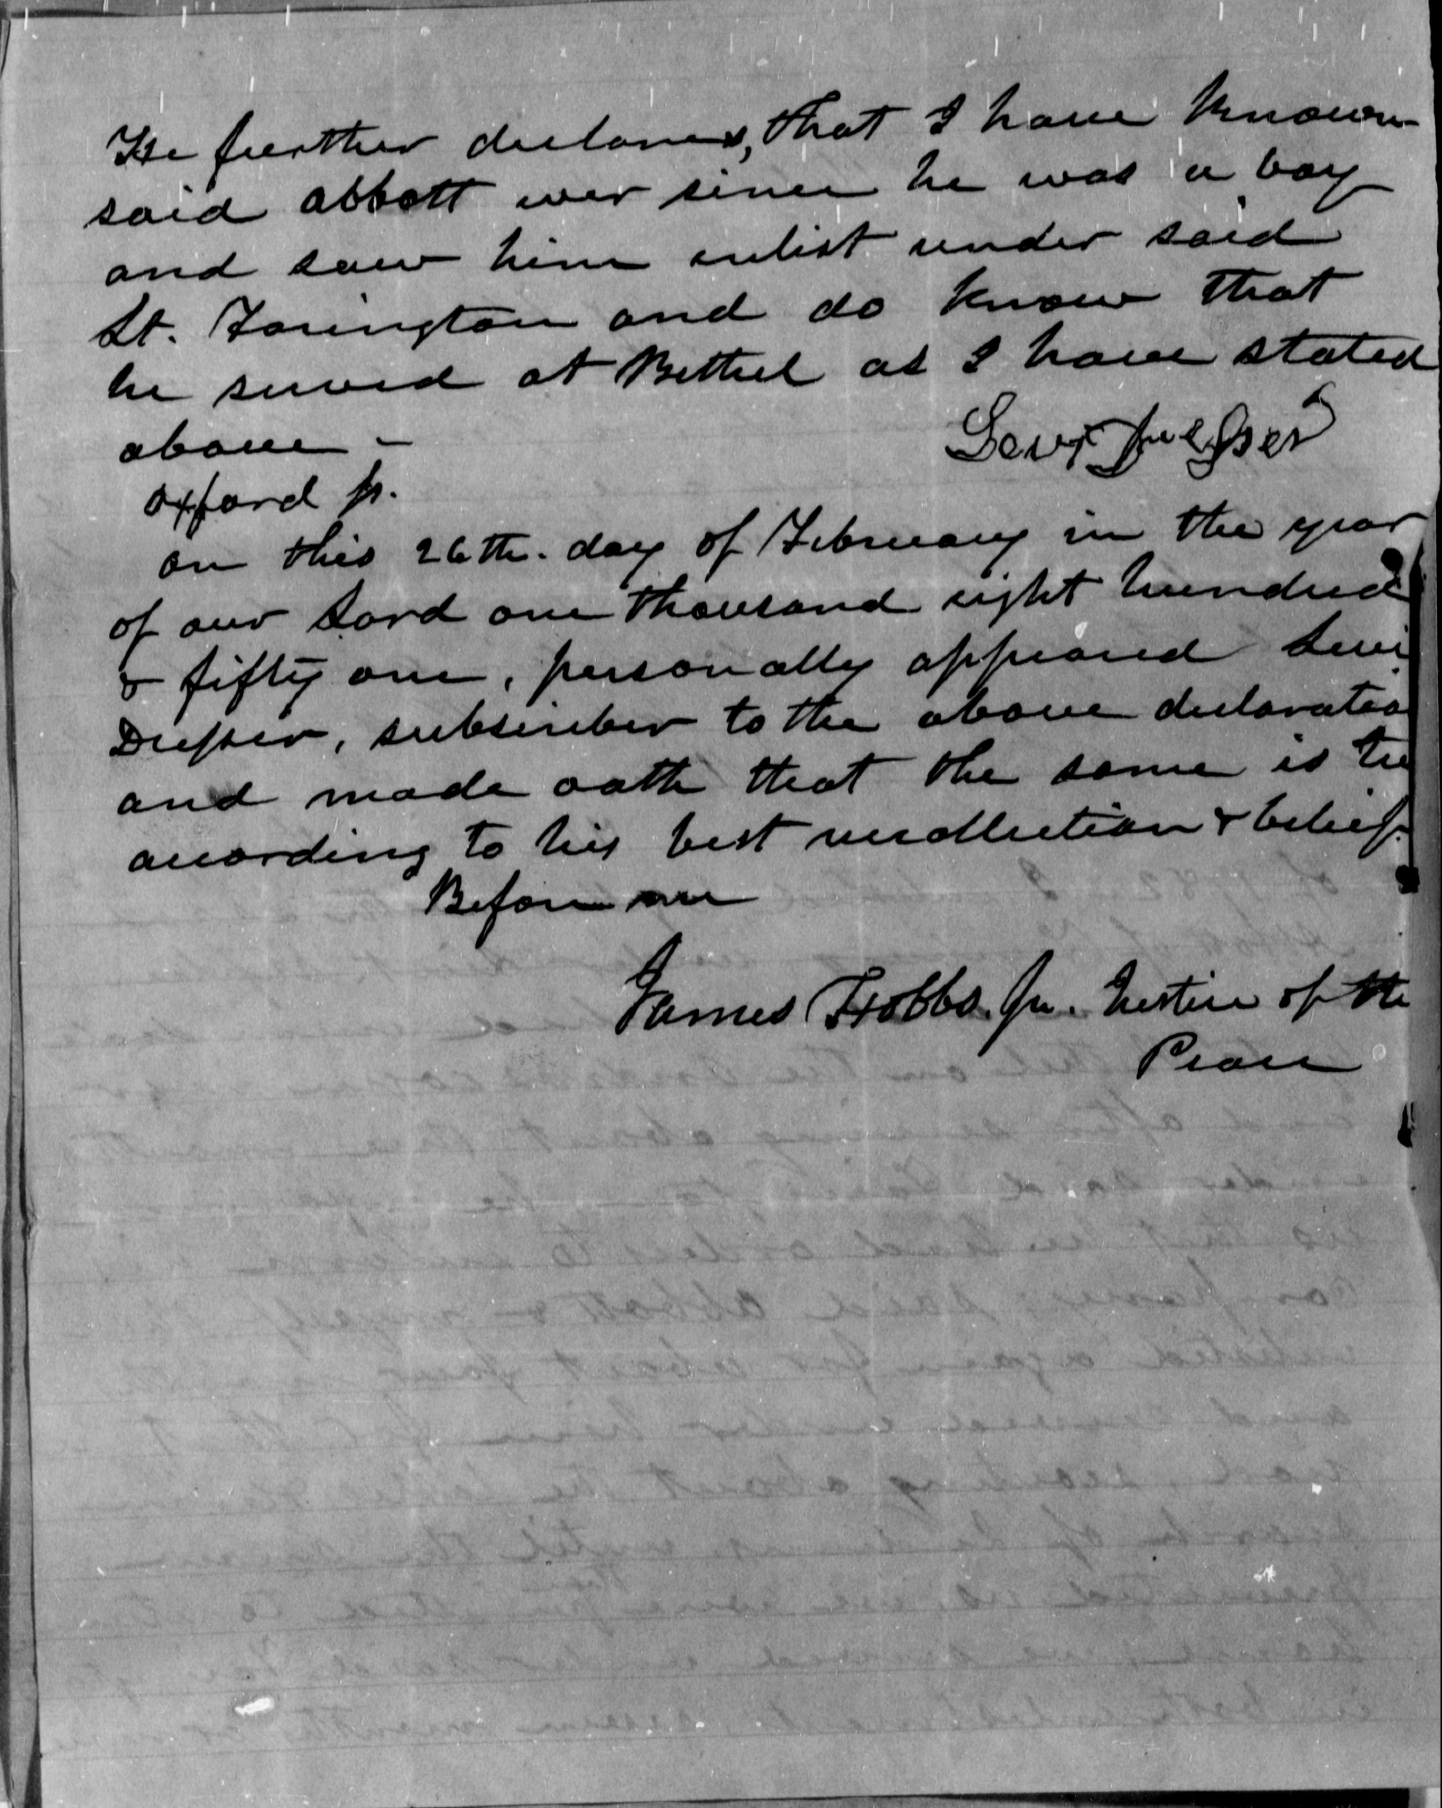...
He further declares that I have known said Abbott ever since he was a boy and saw him enlist under said Lt. Farrington and do know that he served at Bethel as I have stated above.
[SIGNED: Levi Dresser]

Oxford, SS.
On this 26th day of February in the year of our Lord, one thousand eight hundred + fifty-1, personally appeared Levi Dresser, subscriber to the above declaration and made oath that the same is true according to his best recollection + belief.
Before me.
[SIGNED: James Hobbs Jr.] Justice of the Peace.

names: Abbott, Levi Dresser, James Hobbs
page: 81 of 86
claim: survivor's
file: S 29,568, Isaac Abbot, Mass